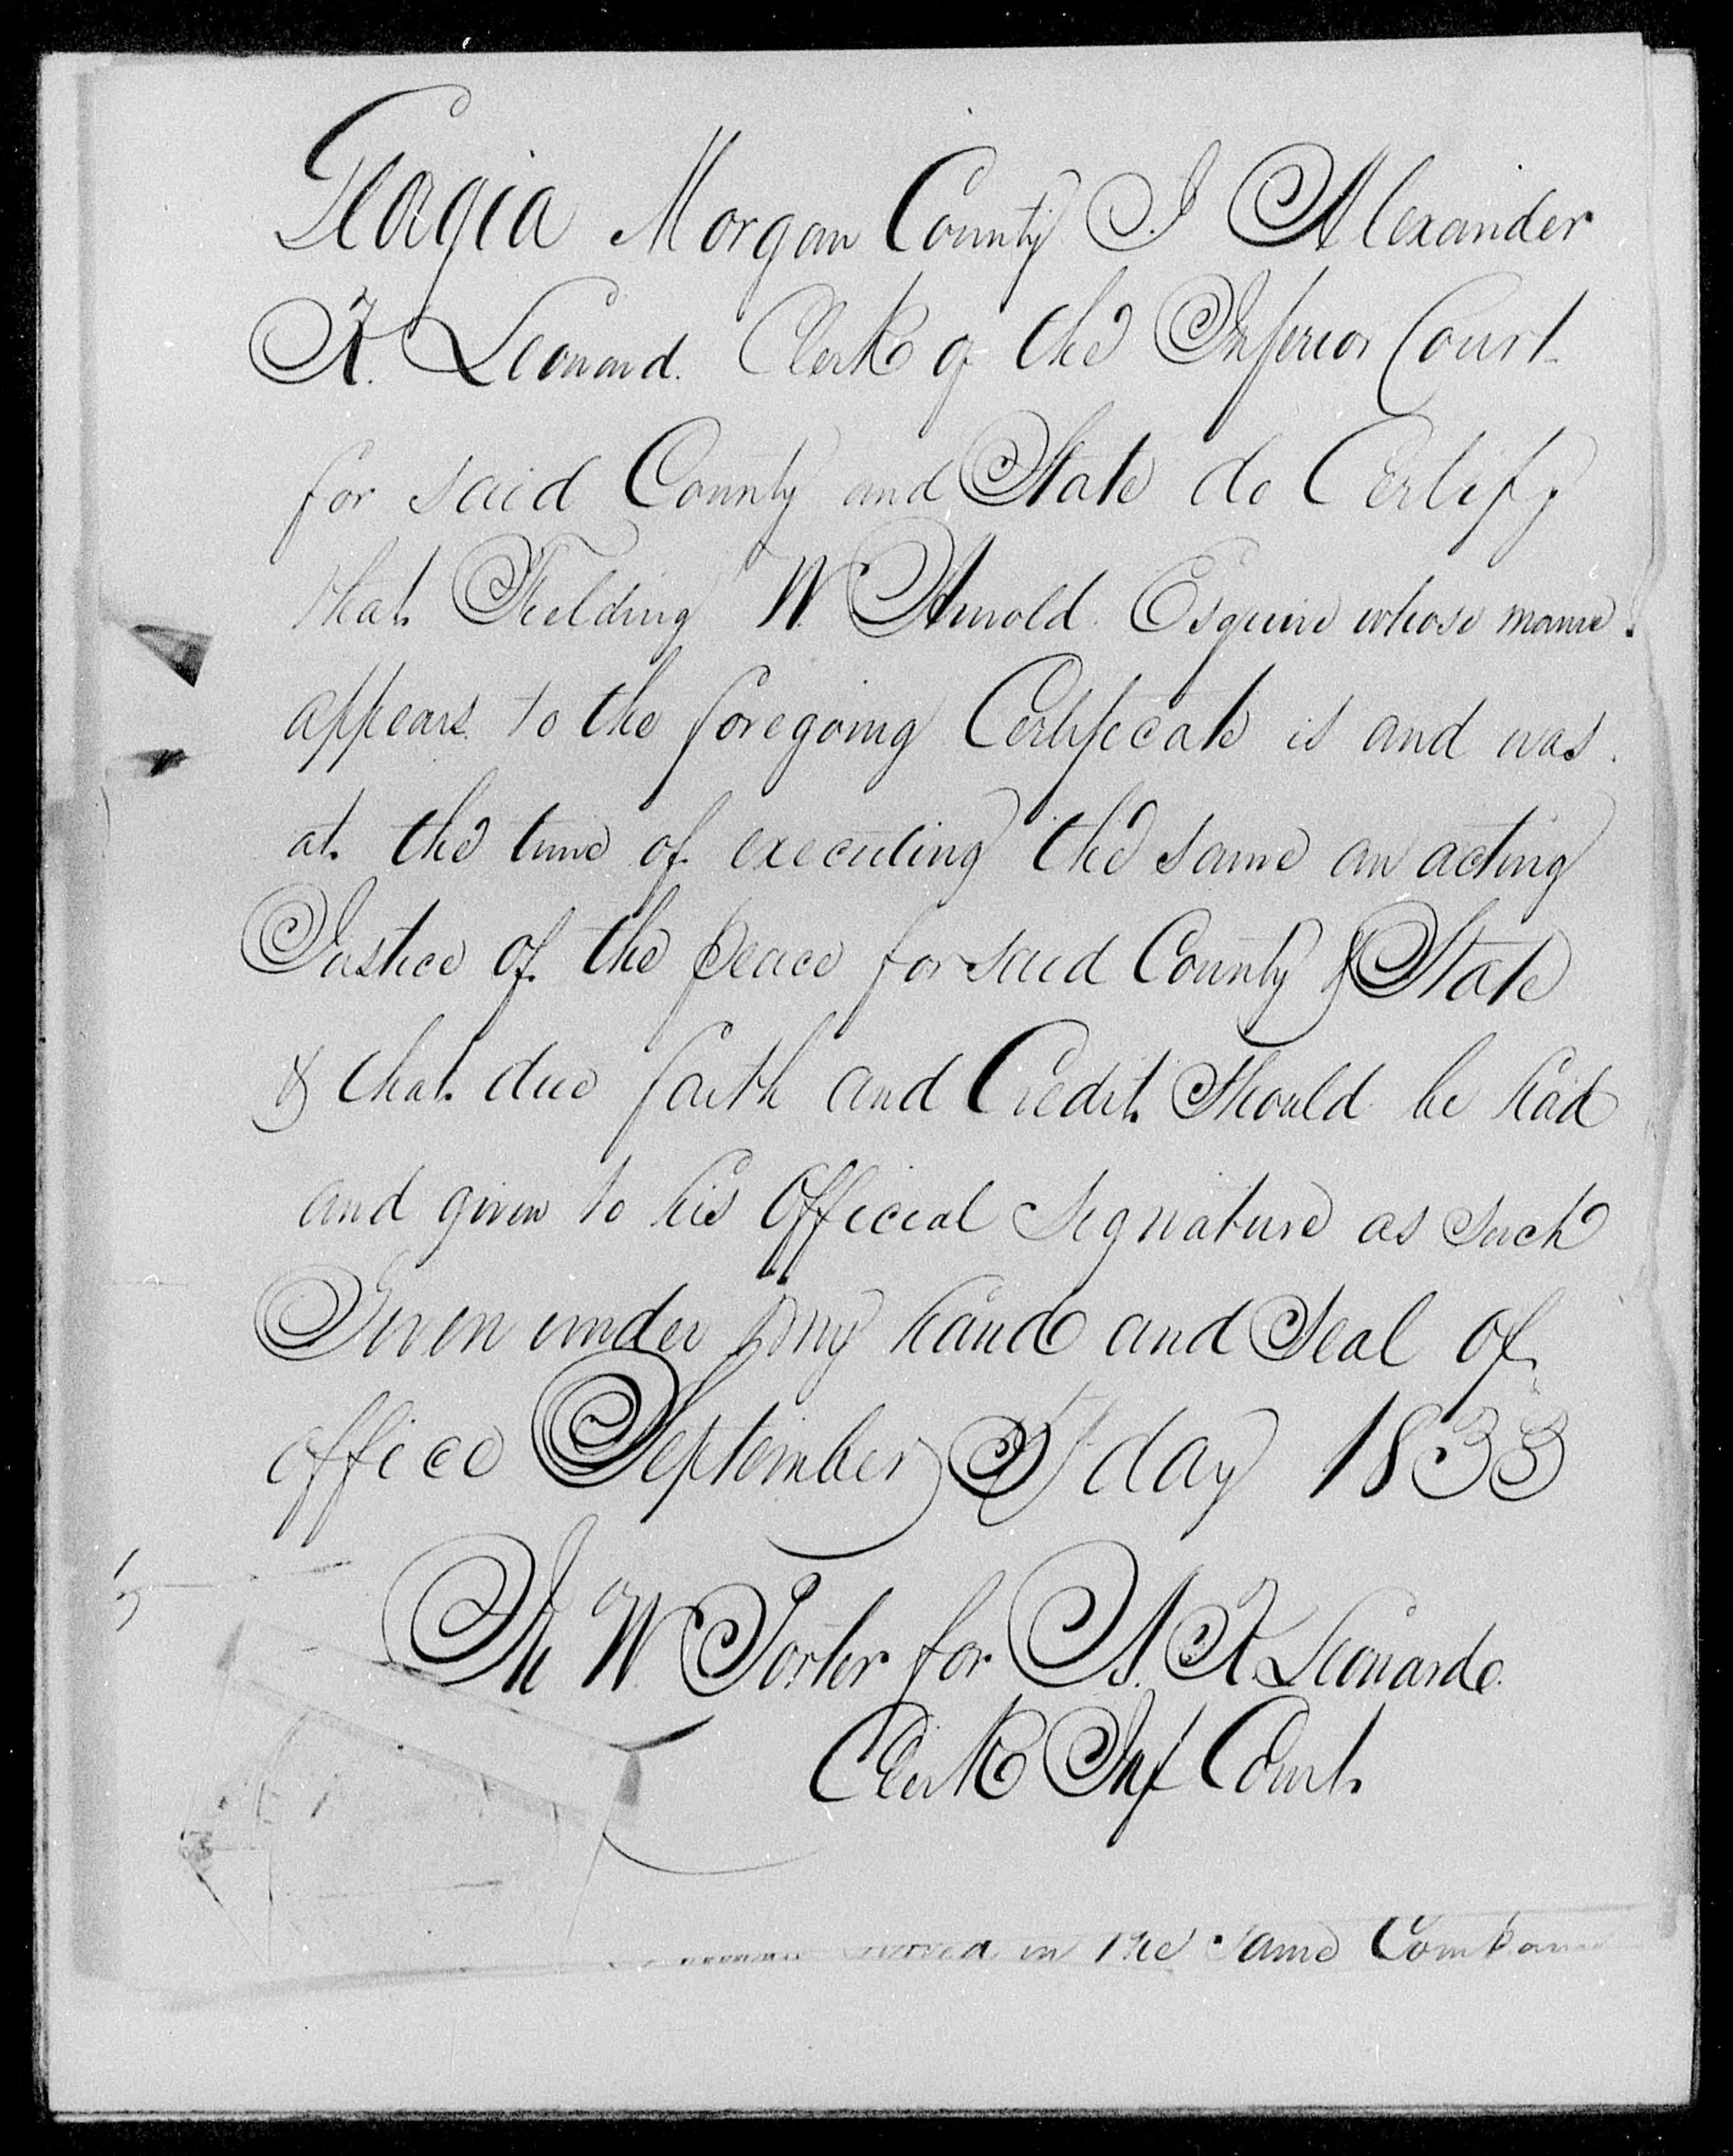Georgia Morgan County I Alexander F. Leonard Clerk of the Inferior Court for said County and State do Certify that Fielding W Arnold Esquire whose name appears to the foregoing Certificate is and was at the time of executing the same an acting Justice of the Peace for said County & State & that due faith and Credit should be had and given to his official signature as such Given under my hand and Seal of office September [illegible] day 1833
J W Porter for A F Leonard
Clerk Inf Court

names: Alexander K Leonard, Fielding W Arnold, Jn W Porter, A K Leonard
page: 40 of 54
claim: widow's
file: W. 3794, Nathan Formby, Va.